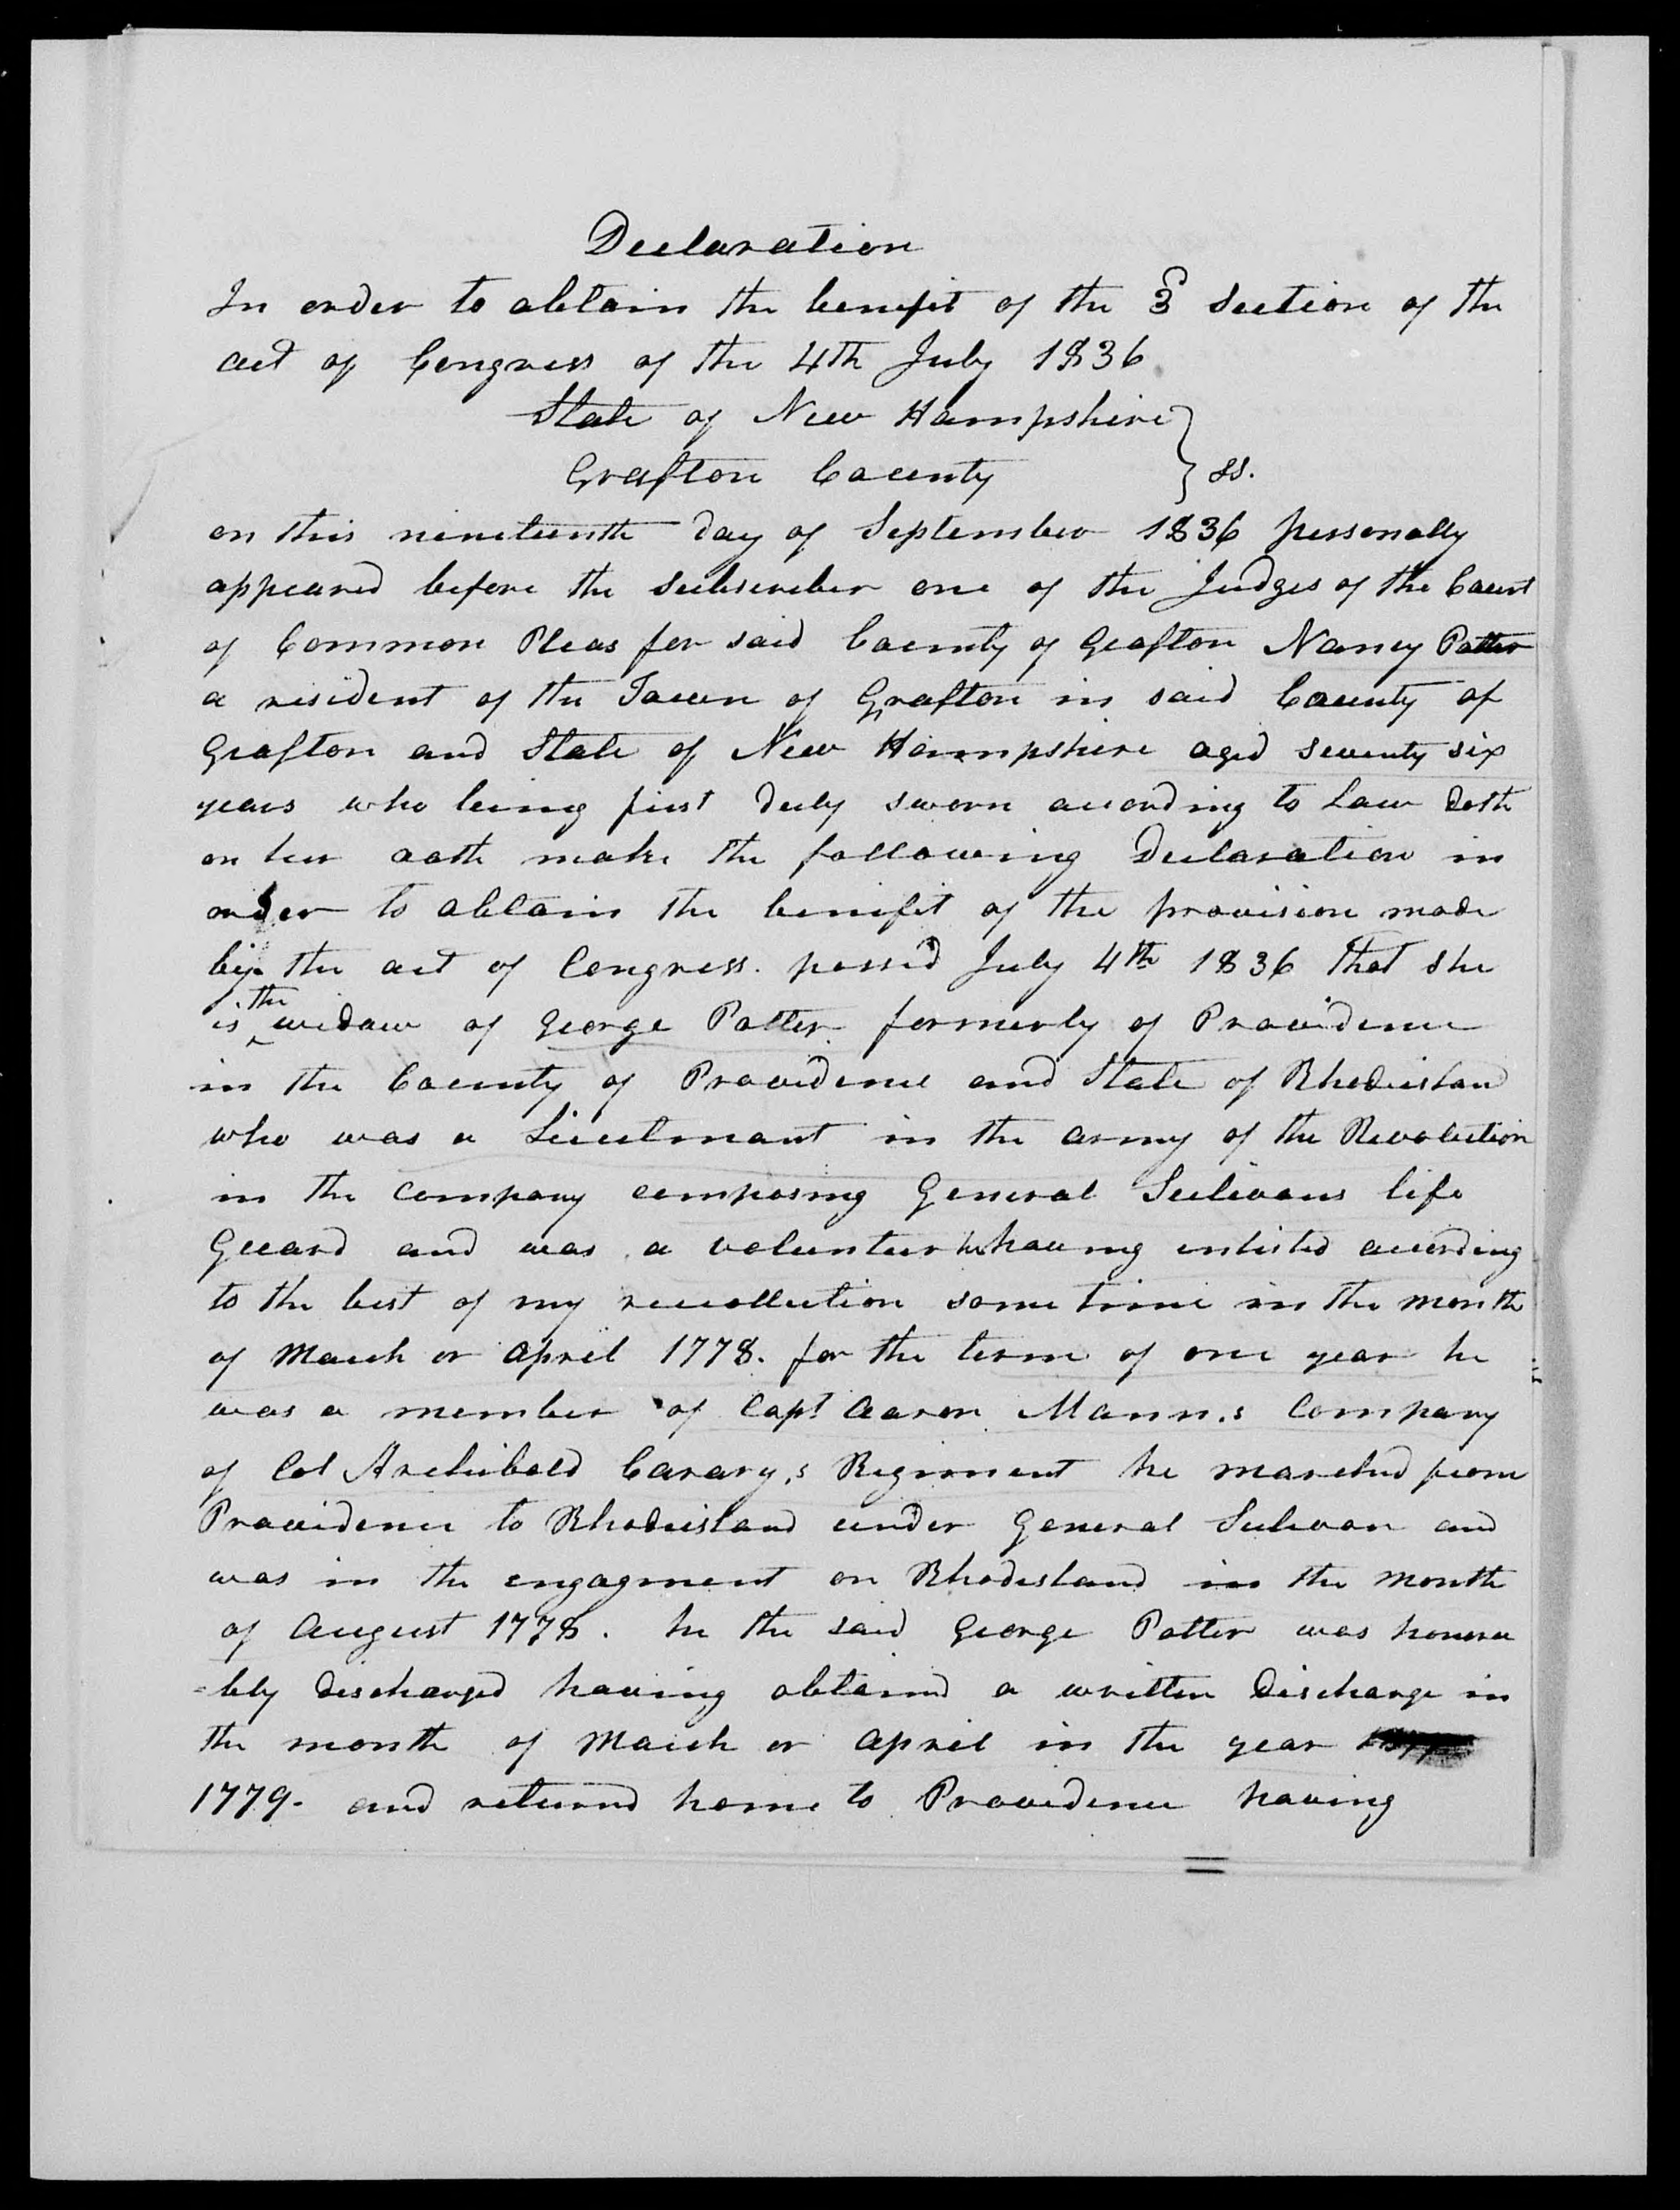Declaration

In order to obtain the benefit of the Section of the act of Congress of the 4th July 1836.

State of New Hampshire  }
          Grafton County      }  ss

on this nineteenth day of September 1835 personally appeared before the subscribed one of the Judges of the Court of Common Pleas for said County of Grafton, Nancy Potter, a resident of the Town of Grafton in said County of Grafton and State of New Hampshire aged seventy six years who being first duly sworn according to law doth on her oath make the following declaration in order to obtain the benefit of the provision made by the act of Congress passed July 4th 1836.  That she is the widow of George Potter formerly of Providence in the County of Providence and State of Rhode Island who was a Lieutenant in the army of the Revolution in the company composing General Sullivan's life guard and was a volunteer having enlisted according to the best of my recollection some time in the month of March or April 1778.  For the term of one year he was a member of Capt, Aaron Mann's Company of Col. Archibald Canary's Regiment.  He marched from Providence to Rhode Island under General Sulivan and and was in the engagement on Rhode Island in the month of August 1778,  In the said George Potter was honorably discharged having obtained a written discharge in the month of March or April in the year 1779.  And returned home to Providence having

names: [BLANK] Sulivan; Nancy Potter; George Potter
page: 4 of 40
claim: widow's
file: W. 16058, for George Potter, Rhode Island